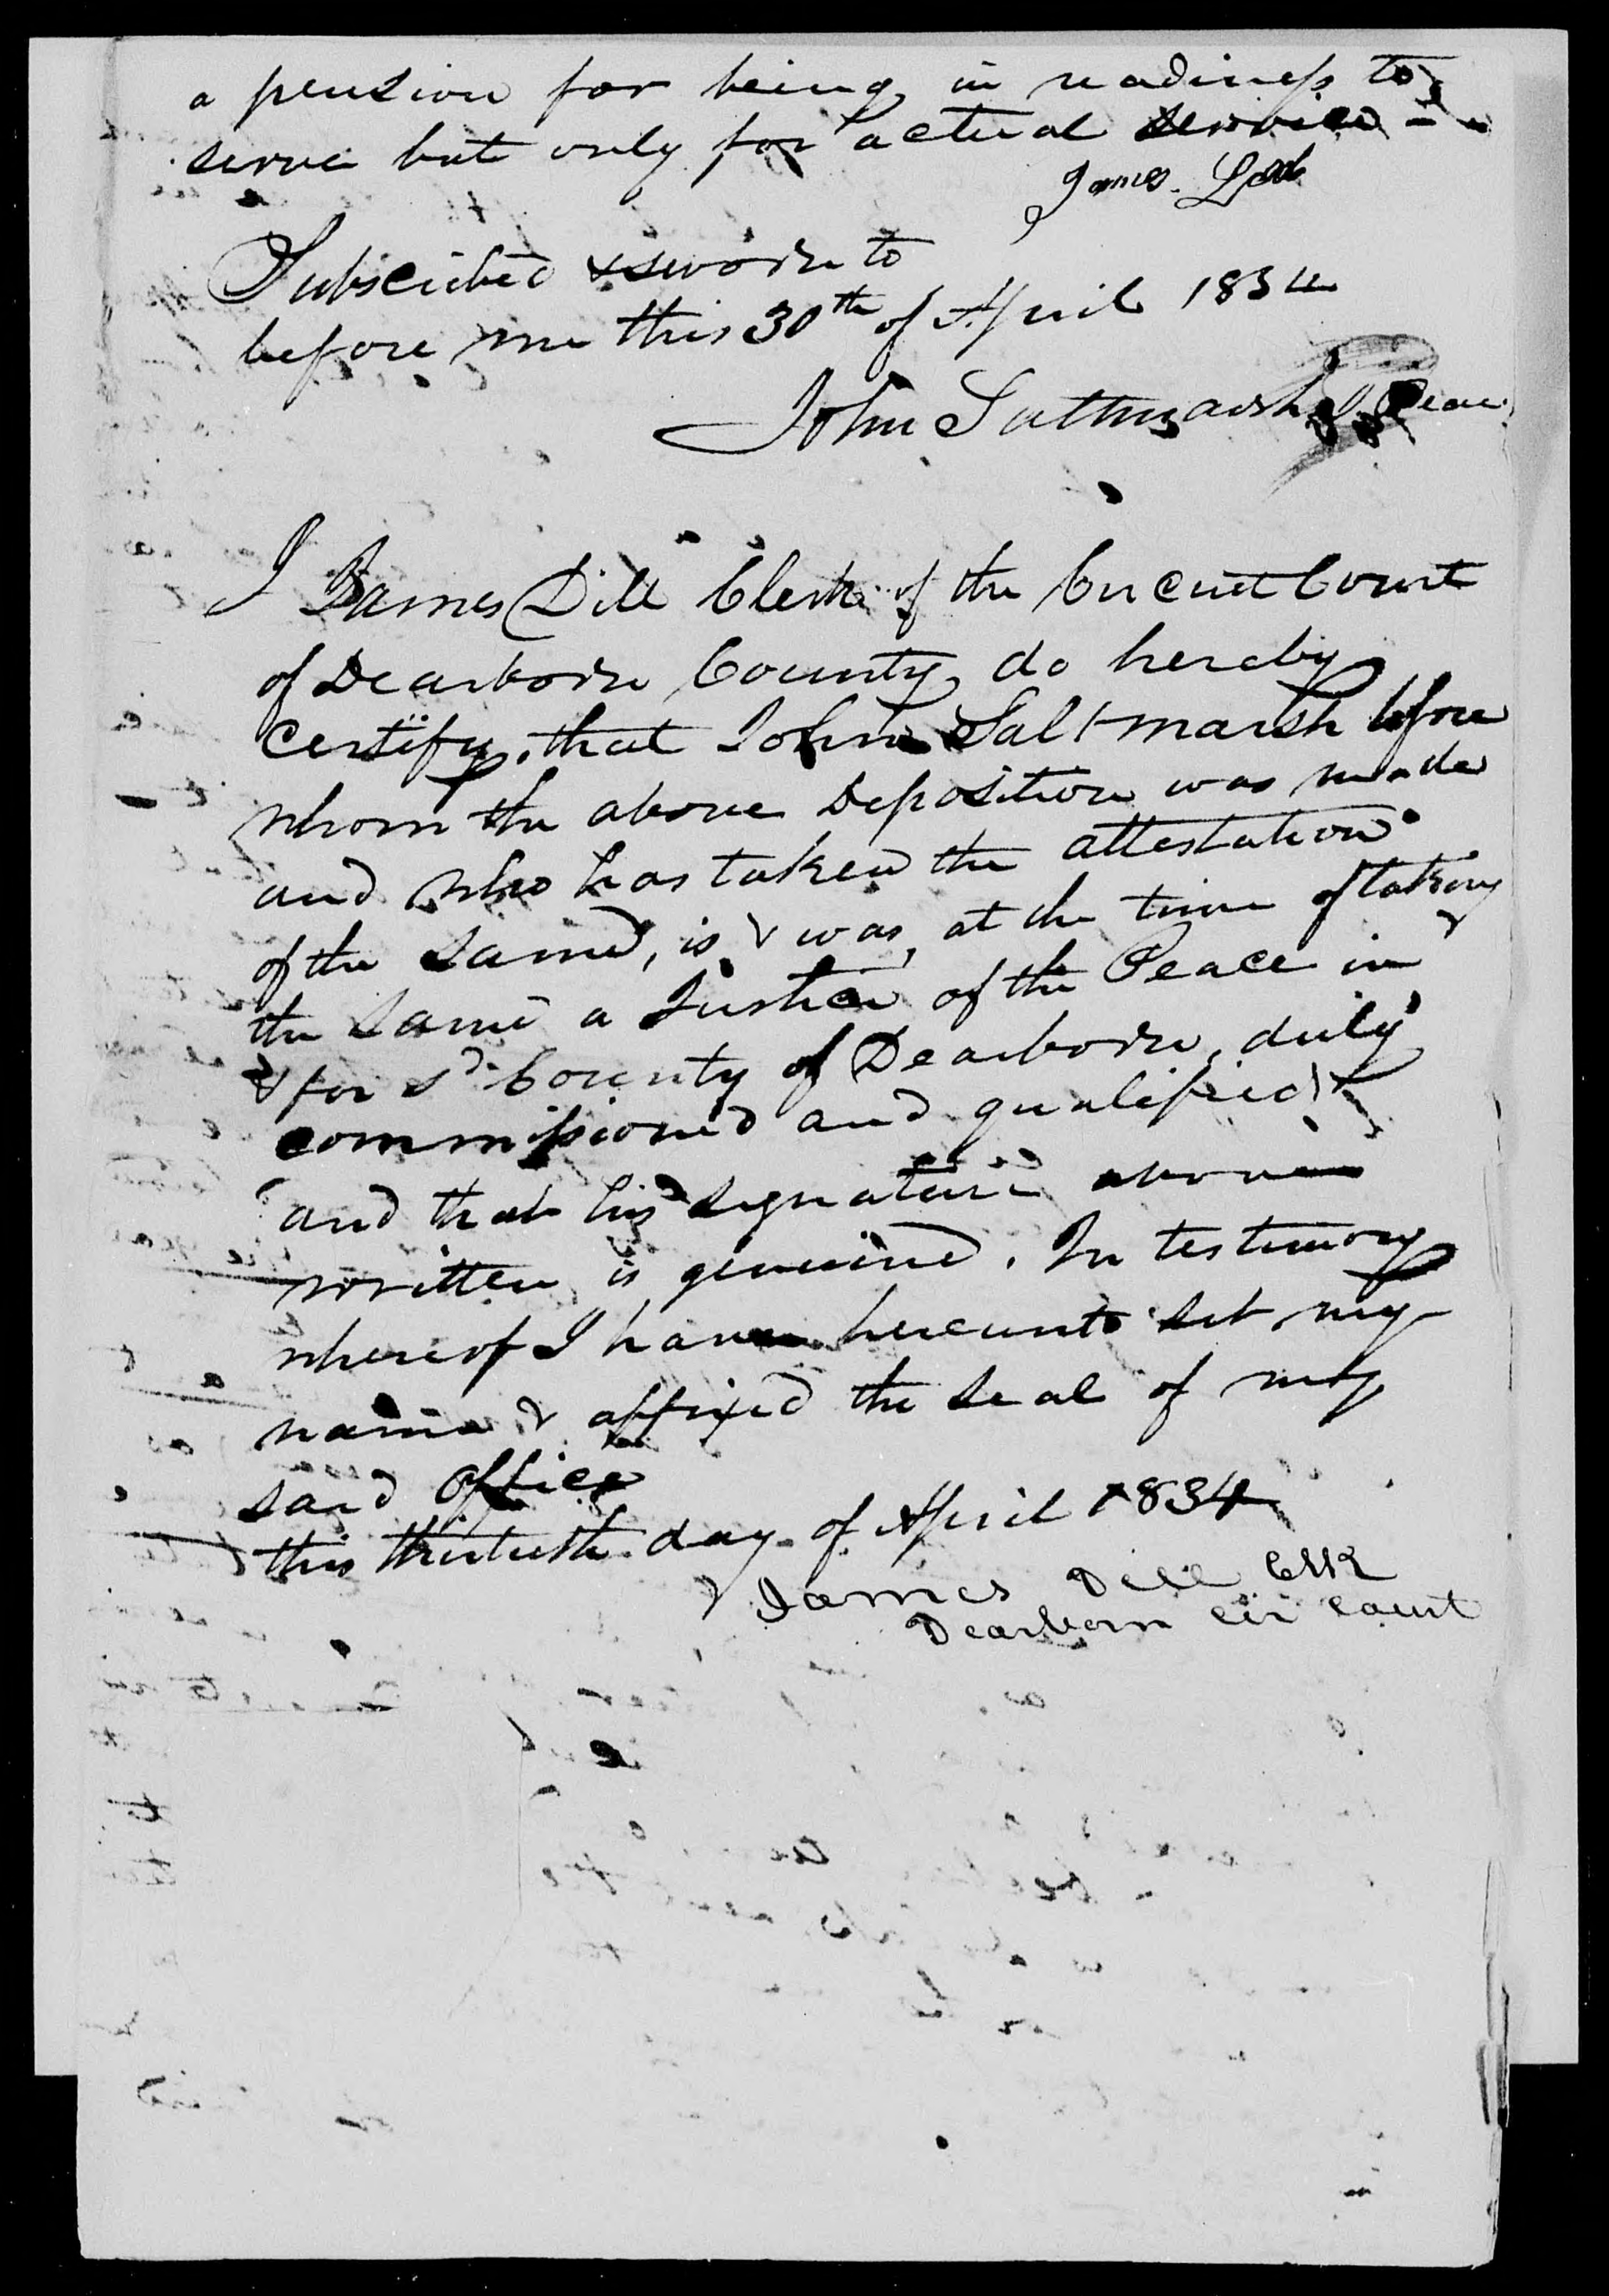a pension for being in [illegible] to serve but only for actual services 
James Leeds

Subscribe & sworn to before me this 30th of April 1834 John Saltmash [illegible]

I James Dill Clerk of the Circuit Court of Dearborn County do hereby certify that John Saltmarsh before whom the above Deposition was made and who has taken the attestation of the same, is & was at the time of taking the same a Justice of the Peace in & for County of Dearborn duly commissioned and qualified and that his signature above matters is genuine. In testimony whereof I have here unto set my name & affixed the seal of my [illegible] offices.
this thirteenth day of April 1834

James Dill (illegible]
Dearborn Cir Court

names: James Dill; John Saltmarsh; James Leeds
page: 38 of 38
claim: survivor's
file: S 31817, for James Leeds, New Jersey